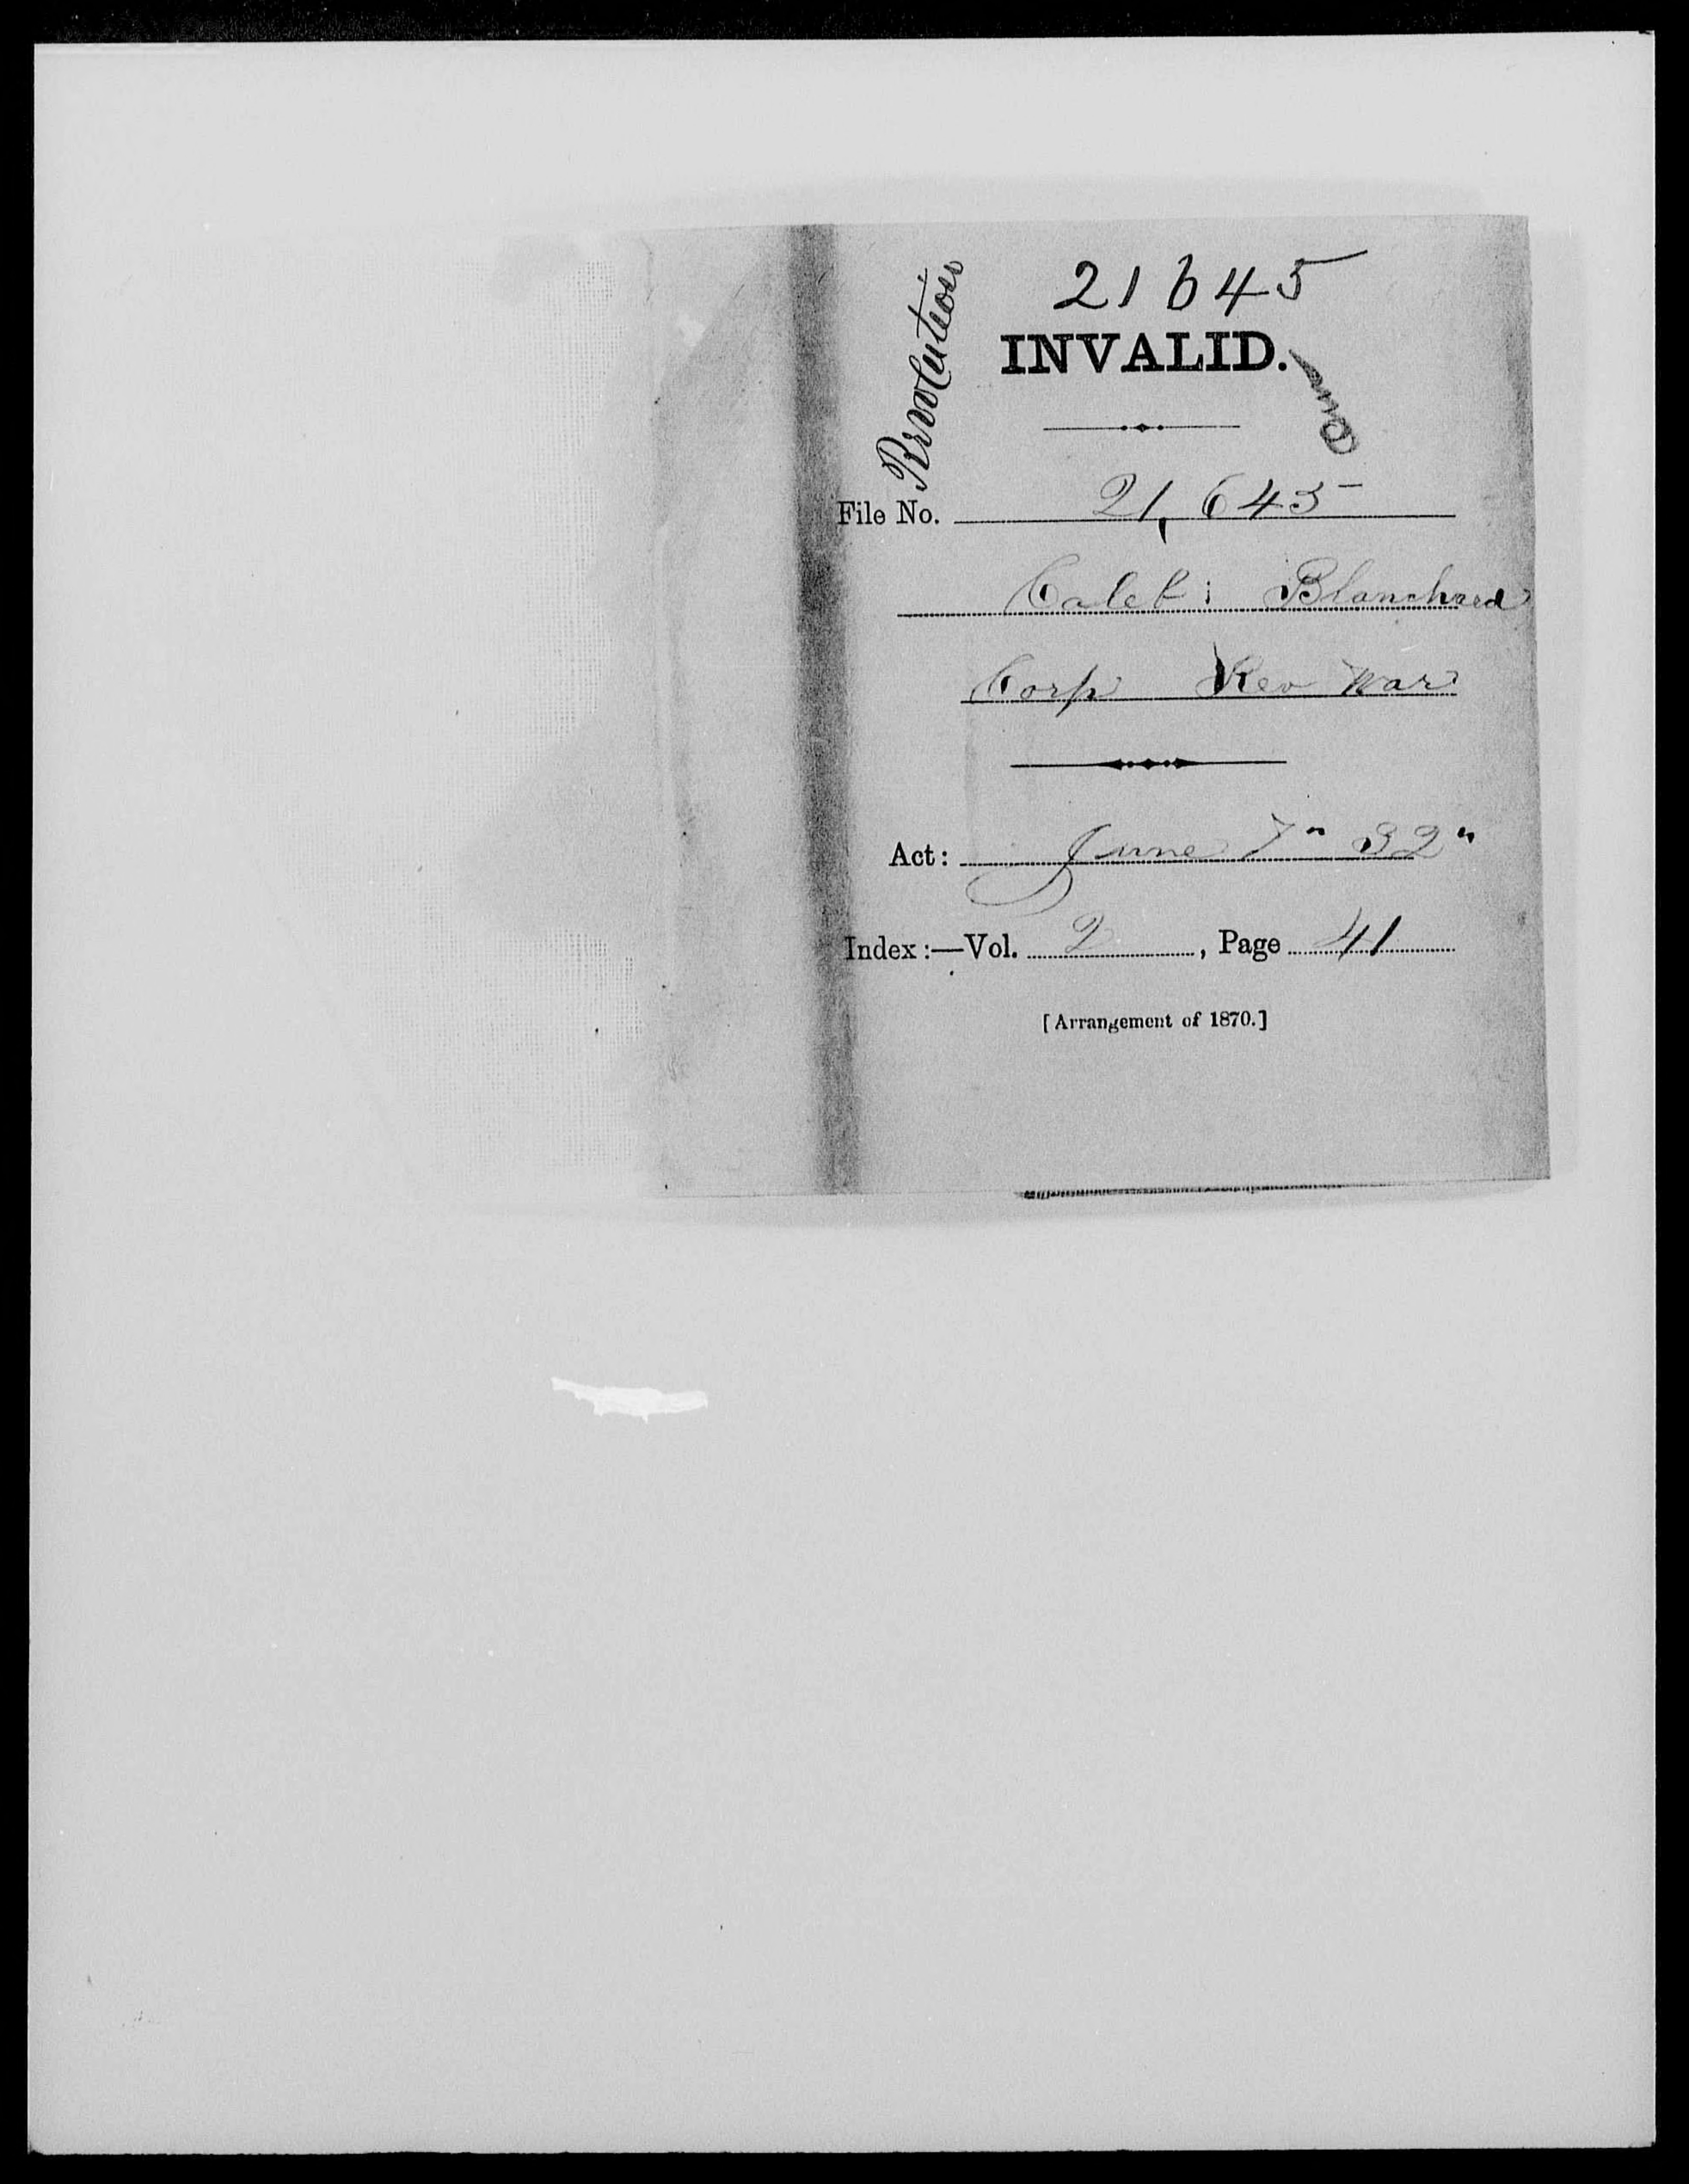21645
INVALID       (on the side ) Restitution

File No.  21,645
Caleb Blanchard
Cor Rev War
Act:  June 7, 32"
Index:-Vol 2, Page 41
[Arrangement of 1870]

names: Caleb Blanchard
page: 8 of 17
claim: survivor's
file: S. 21,645, Caleb Blanchard, R. I.